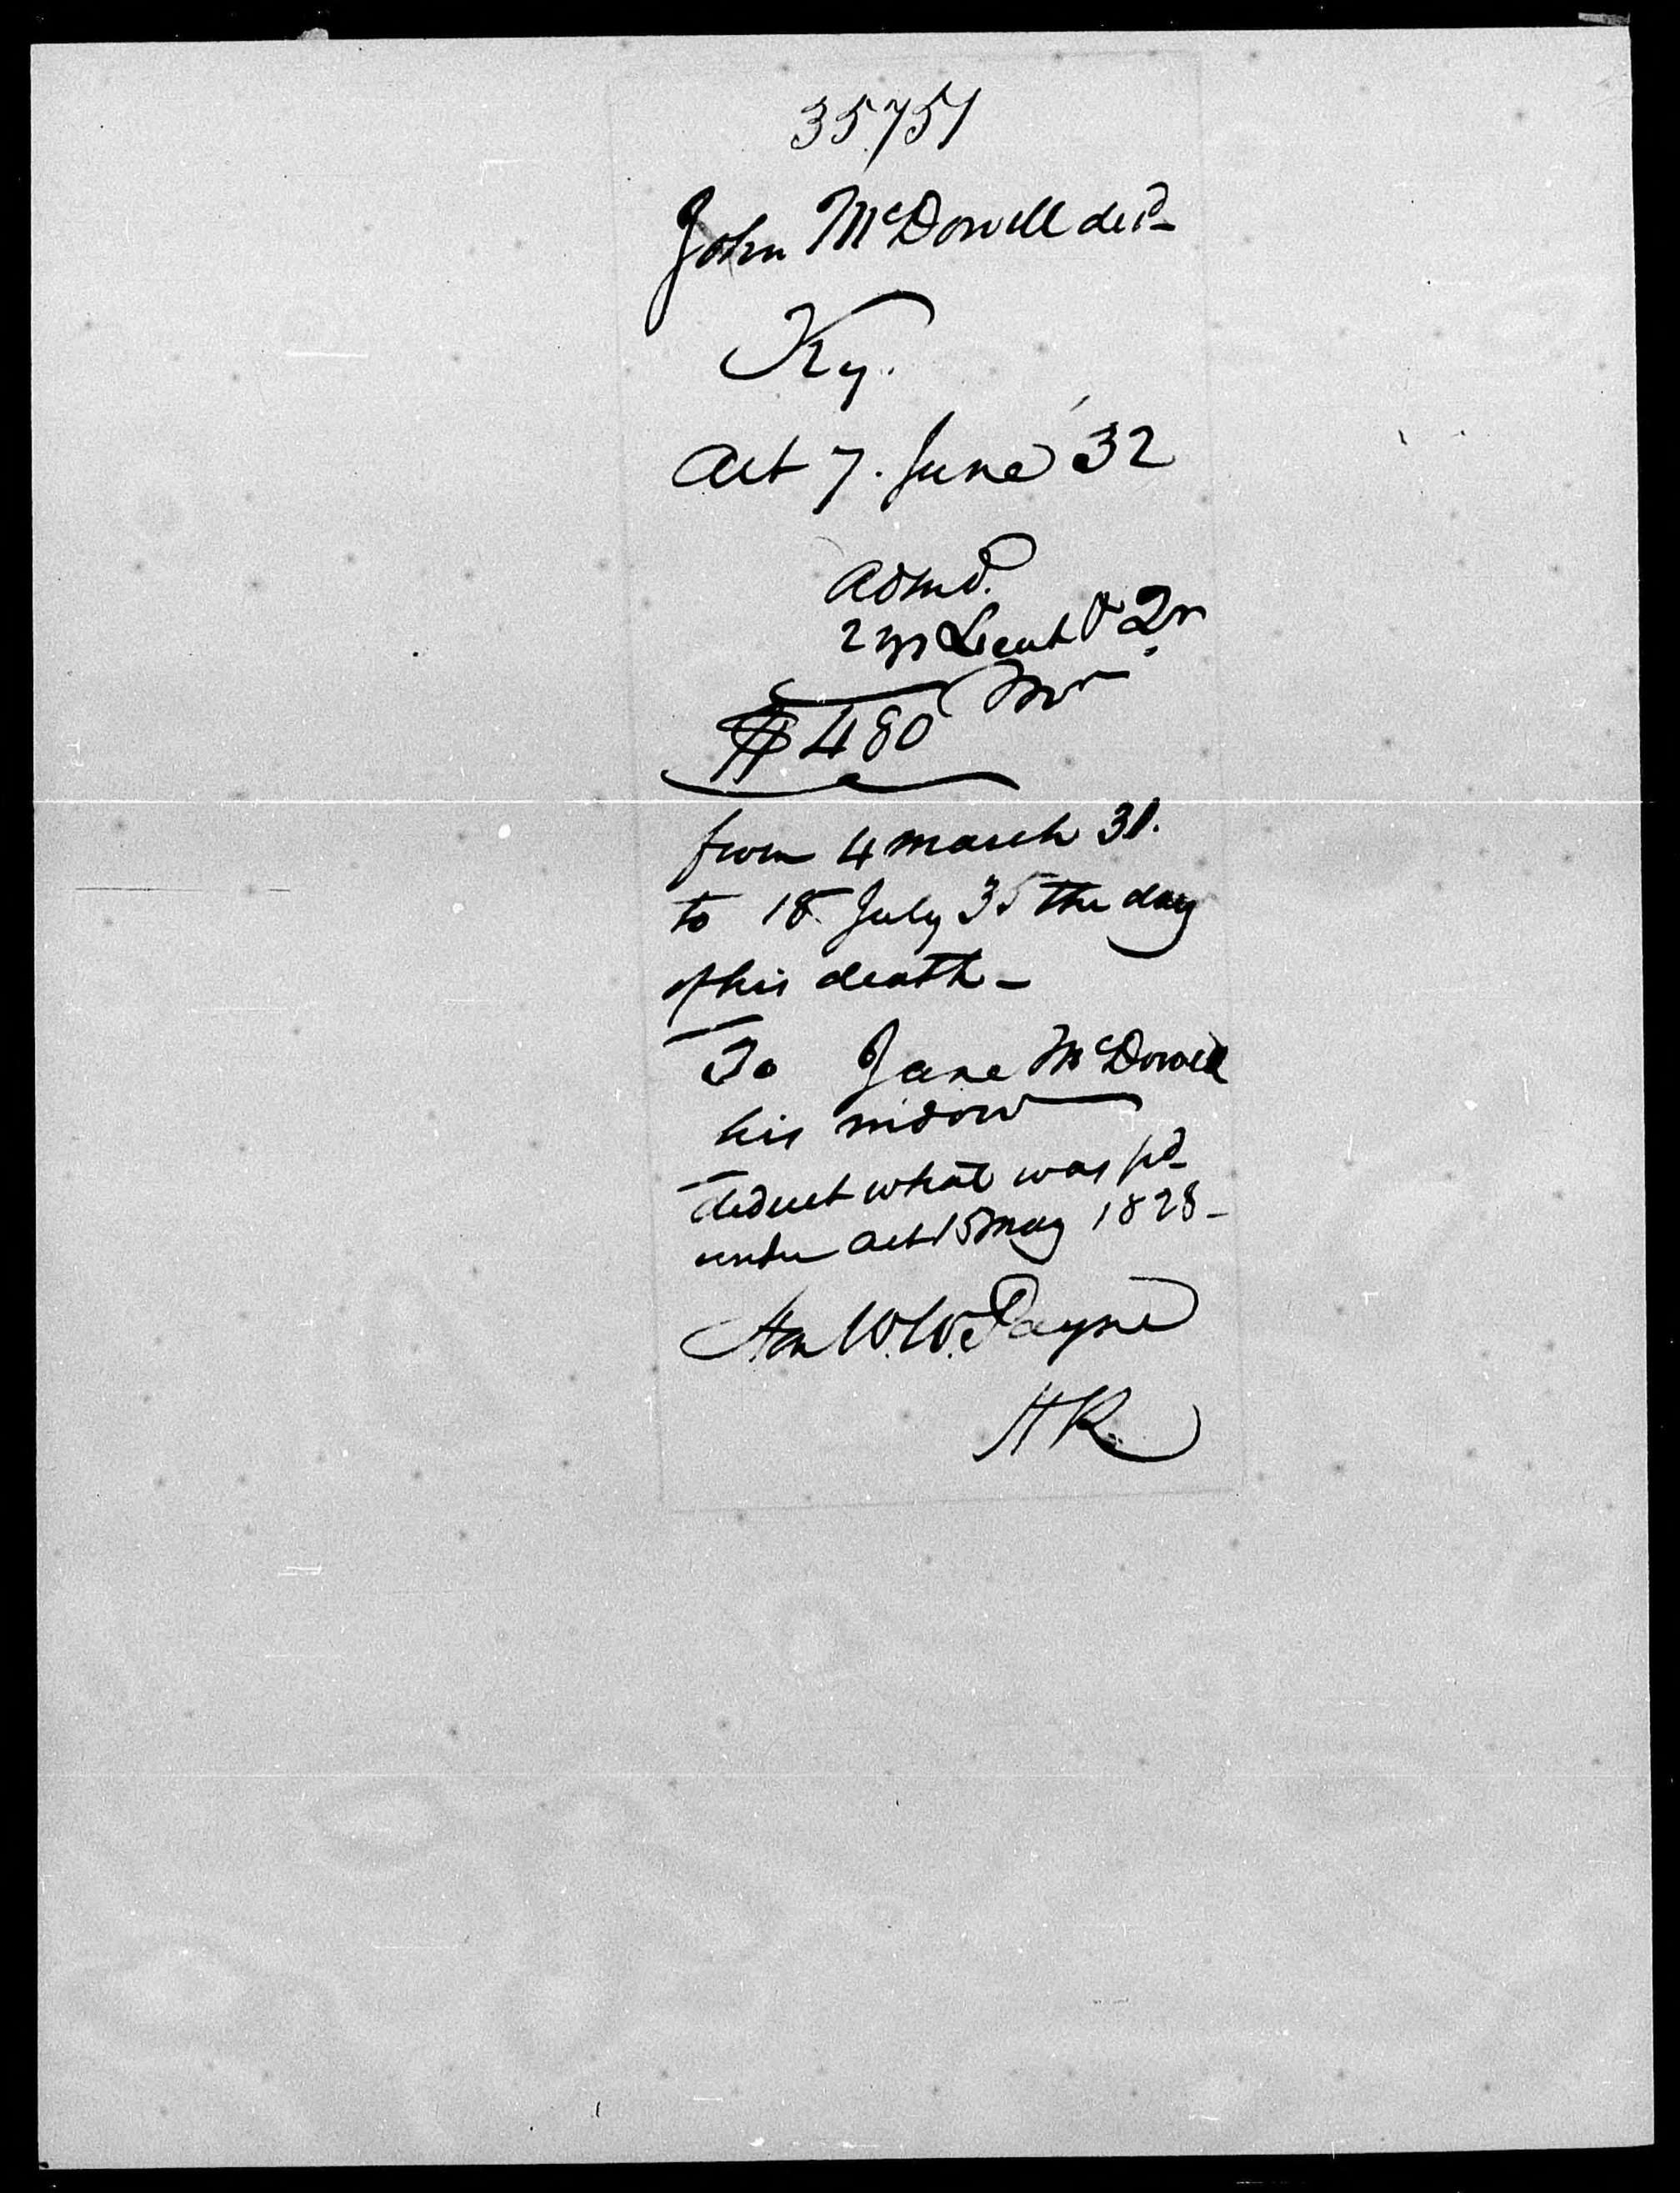35.751
John McDowell decd
Ky.
Act 7. June '32
Admd.
2 yrs Lieut & QrMr
$480
from 4 March 31.
to 18 July 35 the day of his death -
To Jane McDowell 
his widow
deduct what was pd under Act 15 May 1838 -
Hon W. W. Payne
HR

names: Jane Mc Dowell; John Mc Dowell; W W Payne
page: 32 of 47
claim: survivor's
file: S. 30578, for John Mc Dowell, Virginia